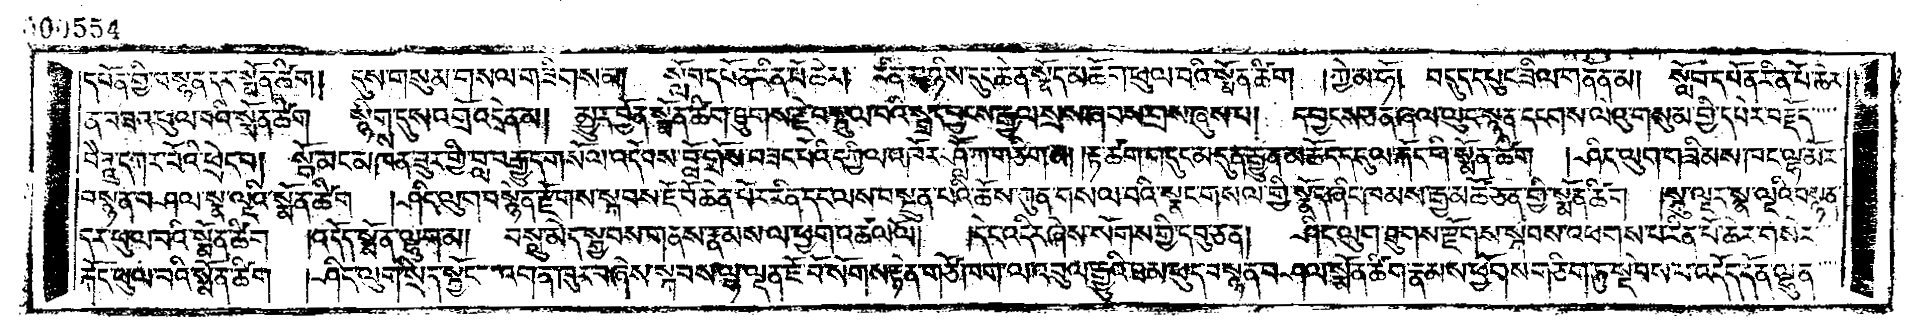དཔོན་གྱི་བསྙན་དར་སྨོན་ཚིག། དུས་གསུམ་གསལ་གཟིགས་མ། སློབ་དཔོན་རིན་པོ་ཆེར། རིན་གཉིས་དུང་ཆེན་སྣོད་མཆོག་ཕུལ་བའི་སྨོན་ཚིག །ཀྱེ་མ་ཧོ། བདུད་དཔུང་ཟིལ་གནོན་མ། སློབ་དཔོན་རིན་པོ་ཆེར་
ན་བཟའ་ཕུལ་བའི་སྨོན་ཚིག་སྙིགས་དུས་འགྲོ་འདྲེན་མ། མྱུར་བྱོན་སྨོན་ཚིག་ཐུགས་རྗེ་བསྐུལ་བའི་སྒྲ་དབྱངས་རྒྱལ་སྲས་ཞབས་གྲས་ཞུས་པ། དབྱངས་ཅན་ཞལ་ལུང་སྙན་དངགས་ལེའུ་གསུམ་གྱི་དཔེར་བརྗོད་
བཻཊཱུ་དཀར་པོའི་ཕྲེང་བ། སྒོ་མང་མཁན་ཟུར་གྱི་བླ་བརྒྱུད་གསོལ་འདེབས་བློ་གྲོས་བཟང་པོའི་དཀྱིལ་འཁོར་ཤླཽ་ཀ་གཅིག་མ། །རྟ་ཚག་གདུང་མདུན་རྒྱུན་མཆོད་དངུལ་རྐོང་གི་སྨོན་ཚིག །ཤིང་ལུག་གཟིམས་ཁང་ལྷ་མོར་
བསྙན་བཤལ་སྣ་ལྔའི་སྨོན་ཚིག །ཤིང་ལུག་བསྙེན་རྫོགས་སྐབས་ཇོ་བོ་ཆེན་པོར་རིན་དང་ལས་བསྐྲུན་པའི་ཆོས་ཀུན་གསལ་བའི་སྣང་གསལ་གྱི་སྣོད་ཞིང་ཁམས་རྒྱ་མཚོ་ཅན་གྱི་སྨོན་ཚིག །སྐུ་ལྔར་སྣ་ལྔའི་བསྙན་
དར་ཕུལ་བའི་སྨོན་ཚིག །འདོད་སྨོན་ལྷུག་མ། བསླུ་མེད་སྐྱབས་གནས་རྣམས་ལ་ཕྱག་འཚལ་ལོ། །དེང་འདིར་ཞེས་སོགས་ཀྱི་དབུ་ཅན། ཤིང་ལུག་ཐུགས་རྫོགས་སྐབས་འཕགས་པ་རིན་པོ་ཆེར་གསེར་
རྐོང་ཕུལ་བའི་སྨོན་ཚིག །ཤིང་ལུག་སྲིད་སྐྱོང་འགན་ཁུར་བཞེས་སྐབས་ལྷ་ལྡན་ཇོ་བོ་སོགས་རྟེན་གཙོ་ཁག་ལ་འབུལ་རྒྱུའི་ཐམ་ཕུད་བསྙན་བཤལ་སྨོན་ཚིག་རྣམས་ཕྱོགས་གཅིག་ཏུ་སྡེབས་པ་འདོད་དོན་ལྷུན་